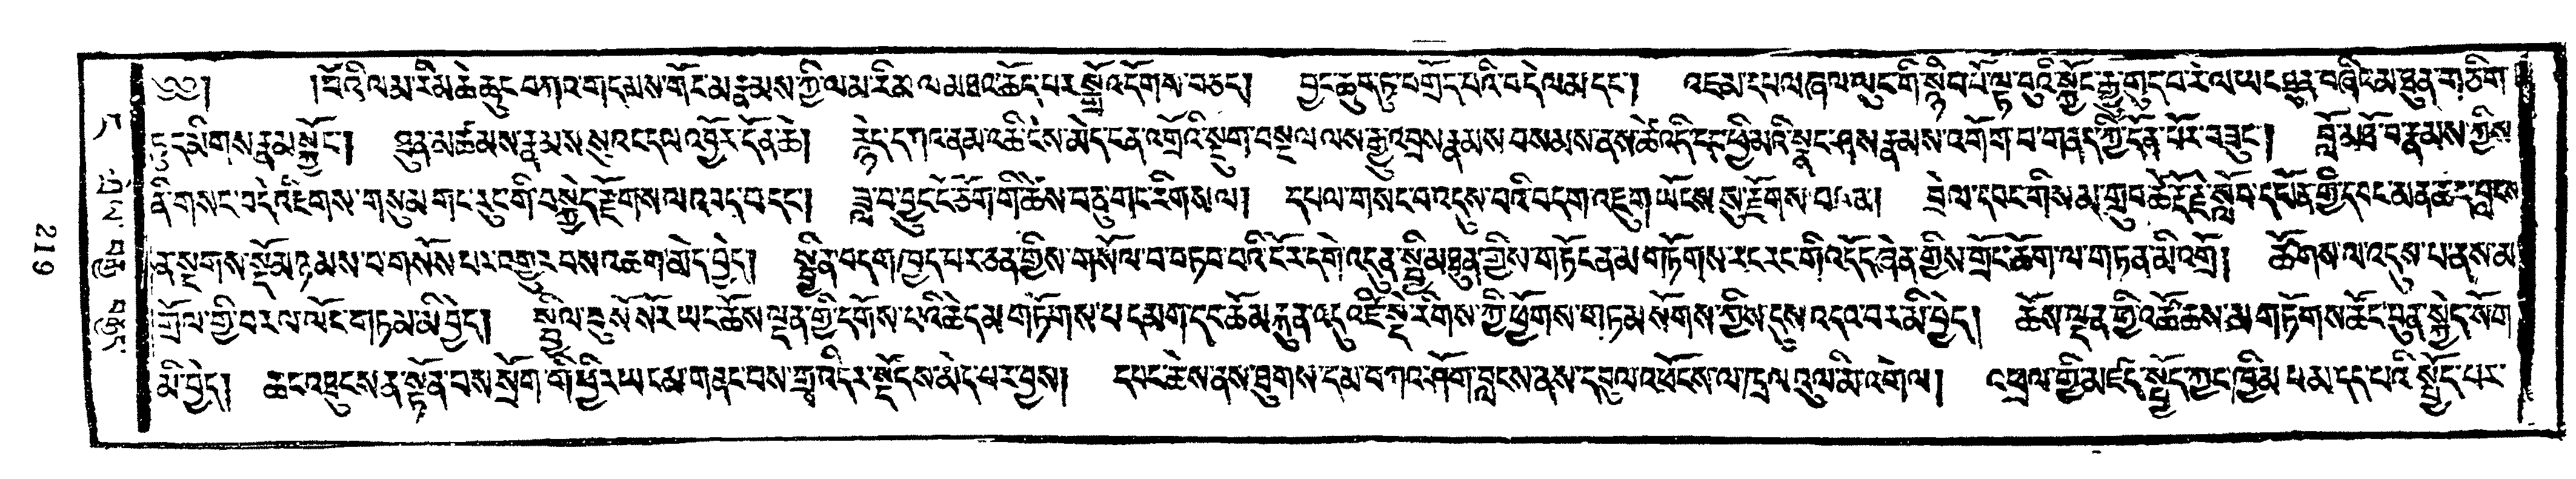༄༅། །བོའི་ལམ་རིམ་ཆེ་ཆུང་བཀའ་གདམས་གོང་མ་རྣམས་ཀྱི་ལམ་རིམ་ལ་མཐའ་ཆོད་པར་སྒྲོ་འདོགས་བཅད། བྱང་ཆུབ་ཏུ་བགྲོད་པའི་བདེ་ལམ་དང་། འཇམ་དཔལ་ཞལ་ལུང་གི་སྙིབ?་པོ་ལྟ་བུའི་སྐྱོང་རྒྱུ་གུད་པ་རེ་ལ་ཡང་ཐུན་བཞིའམ་མ་ཐུན་གཅིག་
ཏུ་དམིགས་རྣམ་སྐྱོང་། ཐུན་མཚམས་རྣམས་སུའང་དལ་འབྱོར་དོན་ཆེ། རྙེད་དཀའ་ནམ་འཆི་ངེས་མེད་ངན་འགྲོའི་སྡུག་བསྔལ་ལས་རྒྱུ་འབྲས་རྣམས་བསམས་ནས་ཚེ་འདི་དང་ཕྱི་མའི་སྣང་ཤས་རྣམས་འགོག་པ་གནད་ཀྱི་དོན་པོར་བཟུང་། བློ་མཐོ་བ་རྣམས་ཀྱིས་
ནི་གསང་བདེ་འཇིགས་གསུམ་གང་རུང་གི་བསྐྱེད་རྫོགས་ལ་འབད་བ་དང་། ཟླ་བ་བྱུང་ངོ་ཅོག་གི་ཚེས་བཅུ་གང་རིགས་ལ། དཔལ་གསང་བ་འདུས་པའི་བདག་འཇུག་ཡོངས་སུ་རྫོགས་པའམ། བྲེལ་དབང་གིས་མ་གྲུབ་ཚེ་རྡོ་རྗེ་སློབ་དཔོན་གྱི་དབང་མན་ཆད་བླངས་
ན་སྔགས་སྡོམ་ཉམས་པ་གསོས་པར་འགྱུར་བས་འཆག་མེད་བྱེད། སྦྱིན་བདག་ཁྱད་པར་ཅན་གྱིས་གསོལ་བ་བཏབ་པའི་ངོར་དགེ་འདུན་སྤྱི་མཐུན་གྱིས་གཏོང་ནམ་གཏོགས་རང་རང་གི་འདོད་ཞེན་གྱིས་གྲོང་ཆོག་ལ་གཏན་མི་འགྲོ། །ཚོགས་ལ་འདུས་པ་ནས་མ་
གྲོལ་གྱི་བར་ལ་ལོང་གཏམ་མི་བྱེད། སྦྱིལ་བུ་སོ་སོར་ཡང་ཆོས་ལྡན་གྱི་དགོས་པའི་ཆེད་མ་གཏོགས་པ་དམག་དང་ཆོམ་རྐུན་འདུ་འཛི་སྡེ་རིགས་ཀྱི་ཕྱོགས་གཏམ་སོགས་ཀྱིས་དུས་འདའ་བར་མི་བྱེད། ཆོས་ལྡན་གྱི་འཚོ་ཆས་མ་གཏོགས་ཚོང་བུན་སྐྱེད་སོག་
མི་བྱེད། ཆང་འཐུངས་ན་སྟོན་པས་སྲོག་གི་ཕྱིར་ཡང་མ་གནང་བས་གྲྭ་འདིར་སྡོད་ས་མེད་པར་བྱས། དབང་ཆེས་ནས་ཐུགས་དམ་བཀའ་ཤོག་བླངས་ནས་དབུལ་འཕོངས་ལ་ཁྲལ་འུལ་མི་འགེལ། འཕྲལ་གྱི་མཛད་སྤྱོད་ཀྱང་ཁྱིམ་པ་མ་དད་པའི་སྤྱོད་པར་